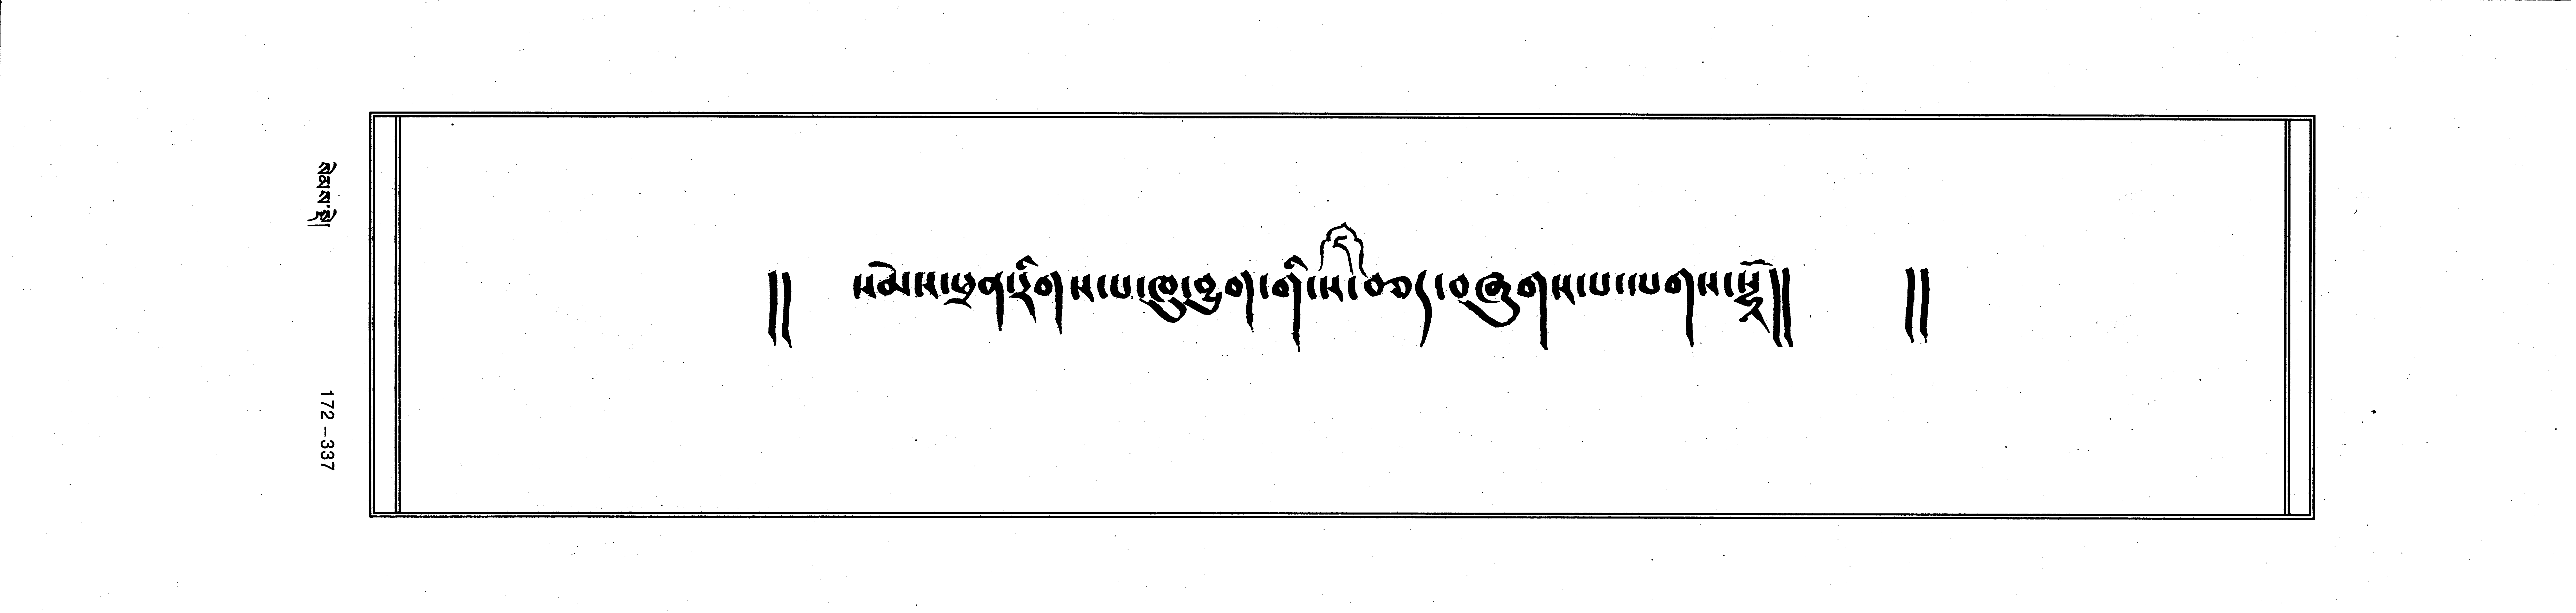༼ད༽ སེམས་ཕྲན་རིག་པ་ཁུ་བྱུག་གི་ས་བཅད་བཞུགས་པ་ལགས་སྷཱོ།།